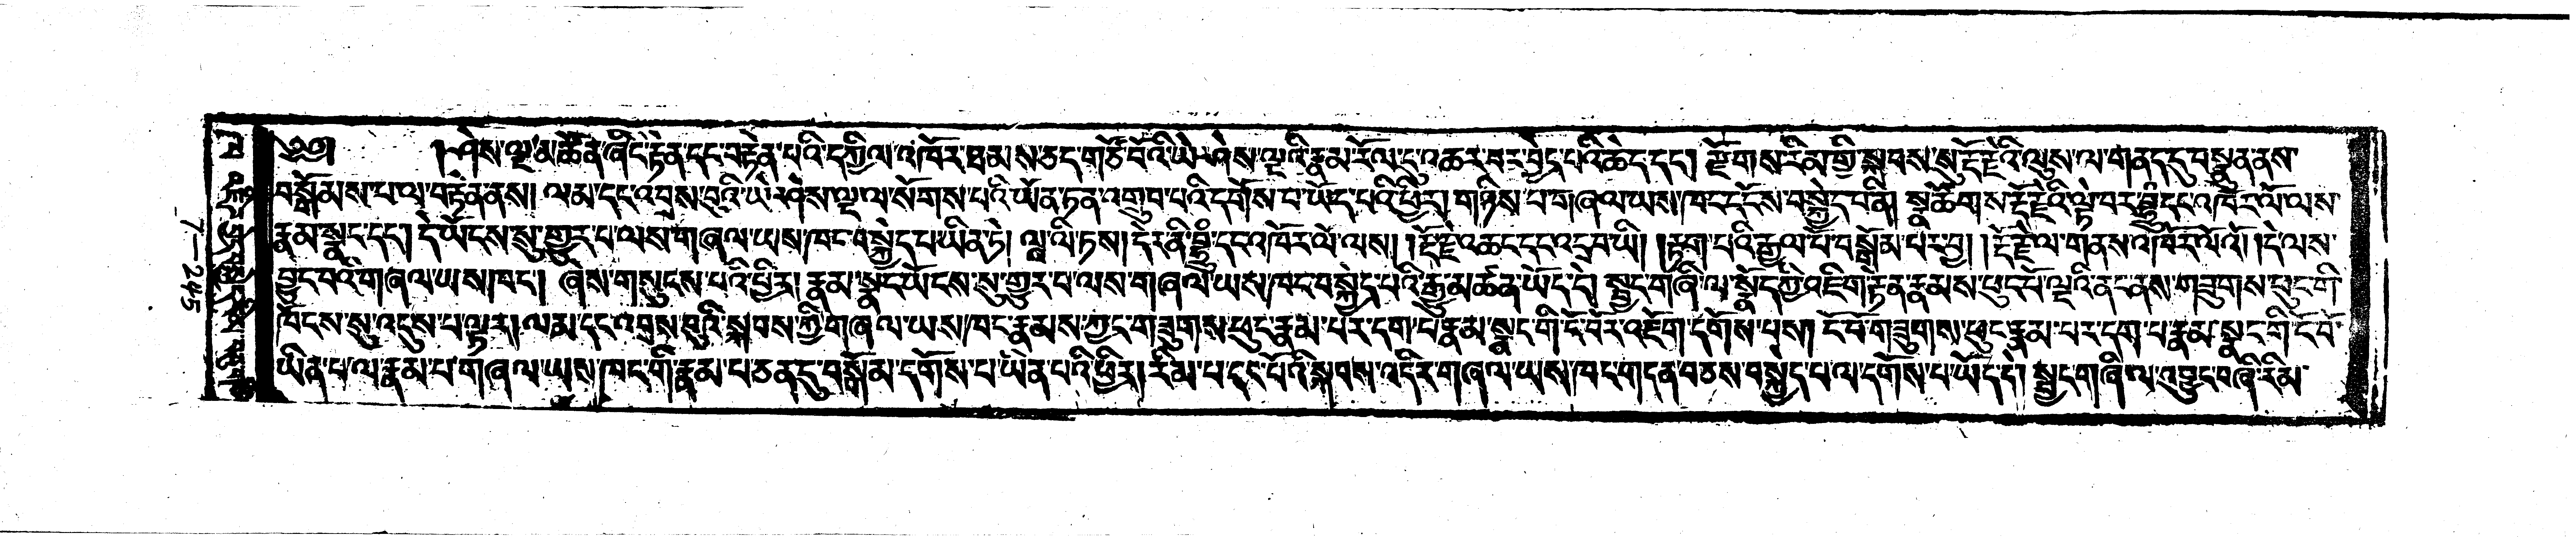༄༅། །ཤེས་ལྔ་མཚོན་ཞིང་རྟེན་དང་བརྟེན་པའི་དཀྱིལ་འཁོར་ཐམས་ཅད་གཙོ་བོའི་ཡེ་ཤེས་ལྔའི་རྣམ་རོལ་དུ་འཆར་བར་བྱེད་པའི་ཆེད་དང་། རྫོགས་རིམ་གྱི་སྐབས་སུ་རྡོ་རྗེའི་ལུས་ལ་གནད་དུ་བསྣན་ནས་
བསྒོམས་པ་ལ་བརྟེན་ནས། ལམ་དང་འབྲས་བུའི་ཡེ་ཤེས་ལྔ་ལ་སོགས་པའི་ཡོན་ཏན་འགྲུབ་པའི་དགོས་པ་ཡོད་པའི་ཕྱིར། གཉིས་པ་གཞལ་ཡས་ཁང་དངོས་བསྐྱེད་པ་ནི། སྣ་ཚོགས་རྡོ་རྗེའི་ལྟེ་བར་བྷྲུཾ་དང་འཁོར་ལོ་ལས་
རྣམ་སྣང་དང་། དེ་ཡོངས་སུ་གྱུར་པ་ལས་གཞལ་ཡས་ཁང་བསྐྱེད་པ་ཡིན་ཏེ། ལཱ་ལི་ཏས། དེར་ནི་བྷྲུཾ་དང་འཁོར་ལོ་ལས། །རྡོ་རྗེ་འཆང་དང་འདྲ་བ་ཡི། །རྟག་པའི་རྒྱལ་པོ་བསྒོམ་པར་བྱ། །རྡོ་རྗེ་ལ་གནས་འཁོར་ལོའོ། །དེ་ལས་
བྱུང་བའི་གཞལ་ཡས་ཁང་། ཞེས་གསུངས་པའི་ཕྱིར། རྣམ་སྣང་ཡོངས་སུ་གྱུར་པ་ལས་གཞལ་ཡས་ཁང་བསྐྱེད་པའི་རྒྱུ་མཚན་ཡོད་དེ། སྦྱང་གཞི་ལ་སྣོད་ཀྱི་འཇིག་རྟེན་རྣམས་ཕུང་པོ་ལྔའི་ནང་ནས་གཟུགས་ཕུང་གི་
ཁོངས་སུ་འདུས་པ་ལྟར། ལམ་དང་འབྲས་བུའི་སྐབས་ཀྱི་གཞལ་ཡས་ཁང་རྣམས་ཀྱང་གཟུགས་ཕུང་རྣམ་པར་དག་པ་རྣམ་སྣང་གི་ངོ་བོར་འཇོག་དགོས་པས། ངོ་བོ་གཟུགས་ཕུང་རྣམ་པར་དག་པ་རྣམ་སྣང་གི་ངོ་བོ་
ཡིན་པ་ལ་རྣམ་པ་གཞལ་ཡས་ཁང་གི་རྣམ་པ་ཅན་དུ་བསྒོམ་དགོས་པ་ཡིན་པའི་ཕྱིར། རིམ་པ་དང་པོའི་སྐབས་འདིར་གཞལ་ཡས་ཁང་གདན་བཅས་བསྐྱེད་པ་ལ་དགོས་པ་ཡོད་དེ། སྦྱང་གཞི་ལ་འབྱུང་བཞི་རིམ་